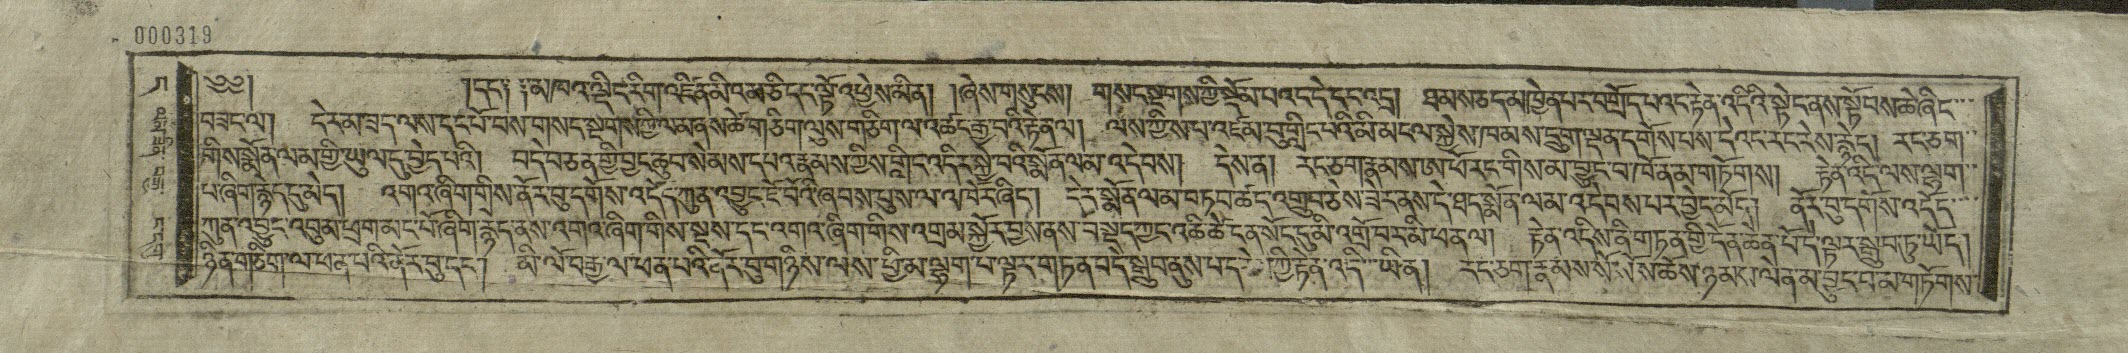༄༅། །དང༑ ༑མཁའ་ལྡིང་རིག་འཛིན་མིའམ་ཅི་དང་ལྟོ་འཕྱེས་མིན། །ཞེས་གསུངས། གསང་སྔགས་ཀྱི་སྡོམ་པའང་དེ་དང་འདྲ། ཐམས་ཅད་མཁྱེན་པར་བགྲོད་པའང་རྟེན་འདིའི་སྟེང་ནས་སྟོབས་ཆེ་ཞིང་
བཟང་ལ། དེར་མ་ཟད་ལས་དང་པོ་བས་གསང་སྔགས་ཀྱི་ལམ་ནས་ཚེ་གཅིག་ལུས་གཅིག་ལ་འཚང་རྒྱ་བའི་རྟེན་ལ། ལས་ཀྱི་ས་པ་འཛམ་བུ་གླིང་པའི་མི་མངལ་སྐྱེས་ཁམས་དྲུག་ལྡན་དགོས་པས་དེའང་རང་རེས་རྙེད། རང་ཅག་
གིས་སྨོན་ལམ་གྱི་ཡུལ་དུ་བྱེད་པའི། བདེ་བ་ཅན་གྱི་བྱང་ཆུབ་སེམས་དཔའ་རྣམས་ཀྱིས་གླིང་འདིར་སྐྱེ་བའི་སྨོན་ལམ་འདེབས། དེས་ན། རང་ཅག་རྣམས་ཨ་ཕོ་རང་གིས་མ་བྱུང་བ་ཁོ་ན་མ་གཏོགས། རྟེན་འདི་ལས་ལྷག་
པ་ཞིག་རྙེད་དུ་མེད། འགའ་ཞིག་གིས་ནོར་བུ་དགོས་འདོད་ཀུན་འབྱུང་ཇོ་བོའི་ཞབས་པུས་ལ་འཁོར་ཞིང་། དེར་སྨོན་ལམ་བཏབ་ཚད་འགྲུབ་ཅེས་ཟེར་ནས་དེ་ཐད་སྨོན་ལམ་འདེབས་པར་བྱེད་མོད། ནོར་བུ་དགོས་འདོད་
ཀུན་འབྱུང་འབུམ་ཕྲག་མང་པོ་ཞིག་རྙེད་ནས་འགའ་ཞིག་གིས་སྔས་དང་འགའ་ཞིག་གིས་འགྲམ་སྐྱོར་བྱས་ནས་བསྡད་ཀྱང་འཆི་ཚེ་ངན་སོང་དུ་མི་འགྲོ་བར་མི་ཕན་ལ། རྟེན་འདིས་ནི་གཏན་གྱི་དོན་ཆེན་པོ་དེ་ལྟར་སྒྲུབ་ཏུ་ཡོད།
ཉིན་གཅིག་ལ་ཕན་པའི་ནོར་བུ་དང་། མི་ལོ་བརྒྱ་ལ་ཕན་པའི་ནོར་བུ་གཉིས་ལས་ཕྱི་མ་ལྷག་པ་ལྟར་གཏན་བདེ་སྒྲུབ་ནུས་པ་ད་རེས་ཀྱི་རྟེན་འདི་ཡིན། རང་ཅག་རྣམས་སོ་སོས་ཆོས་ཉམས་ལེན་མ་བྱུང་བ་མ་གཏོགས་